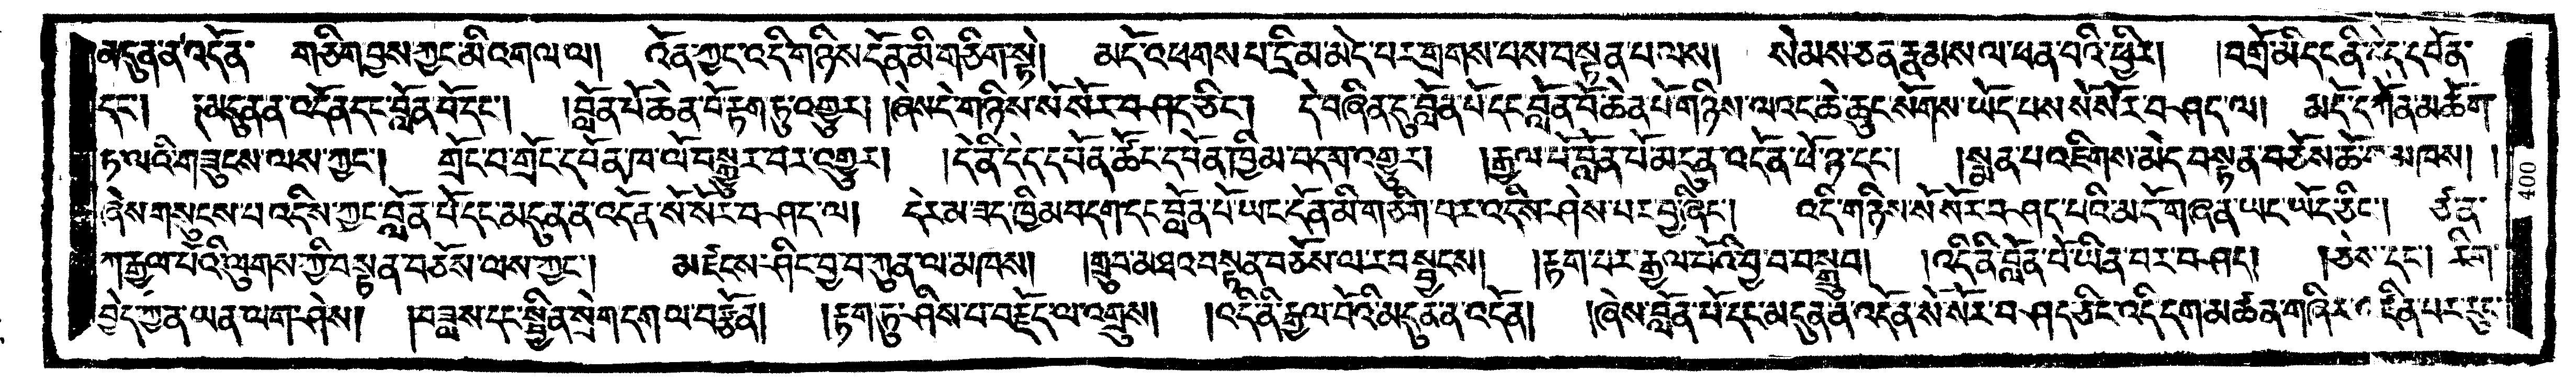མདུན་ན་འདོན་གཅིག་བྱས་ཀྱང་མི་འགལ་ལ། །འོན་ཀྱང་འདི་གཉིས་དོན་མི་གཅིག་སྟེ། མདོ་འཕགས་པ་དྲི་མ་མེད་པར་གྲགས་པས་བསྟན་པ་ལས། སེམས་ཅན་རྣམས་ལ་ཕན་པའི་ཕྱིར། །འགྲོ་མི་དང་ནི་དེད་དཔོན་
དང་། །མདུན་ན་འདོན་དང་བློན་པོ་དང་། །བློན་པོ་ཆེན་པོ་རྟག་ཏུ་འགྱུར། །ཞེས་དེ་གཉིས་སོ་སོར་བཤད་ཅིང་། །དེ་བཞིན་དུ་བློན་པོ་དང་བློན་པོ་ཆེན་པོ་གཉིས་ལའང་ཆེ་ཆུང་སོགས་ཡོད་པས་སོ་སོར་བཤད་ལ། །མདོ་དཀོན་མཆོག་
ཏ་ལའི་གཟུངས་ལས་ཀྱང་། གྲོང་བ་གྲོང་དཔོན་ཁ་ལོ་བསྐྱུར་བར་འགྱུར། །དེ་ནི་དེད་དཔོན་ཚོང་དབོན་ཁྱིམ་འདབ་འགྱུར། །རྒྱལ་པོ་བློན་པོ་མདུན་འདོན་ཕོ་ཉ་དང་། །སྨན་པ་འཇིགས་མེད་བསྟན་བཅོས་ཆོ་ག་མཁས། །
ཞེས་གསུངས་པ་འདིས་ཀྱང་བློན་པོ་དང་མདུན་ན་འདོན་སོ་སོར་བཤད་ལ། དེར་མ་ཟད་ཁྱིམ་བདག་དང་བློན་པོ་ཡང་དོན་མི་གཅིག་པར་འདིས་ཤེས་པར་བྱ་ཞིང་། འདི་གཉིས་སོ་སོར་བཤད་པའི་མདོ་གཞན་ཡང་ཡོང་ཅིང་། ཙ་ན་
ཀ་རྒྱལ་པོའི་ལུགས་ཀྱི་བསྟན་བཅོས་ལས་ཀྱང་། མཛངས་ཤིང་བྱ་བ་ཀུན་ལ་མཁས། །གྲུབ་མཐའ་བསྟན་བཅོས་ལ་རབ་སྦྱངས། །རྟག་པར་རྒྱལ་པོའི་བྱ་བ་བསྒྲུབ། །འདི་ནི་བློན་པོ་ཡིན་བར་བཤད། །ཅེས་དང་། རིག་
བྱེད་ཀྱ་ན་ཡན་ལག་ཤེས། །བཟླས་དང་སྦྱིན་སྲེག་དག་ལ་བརྩོན། །རྟག་ཏུ་ཤིས་པ་བརྗོད་ལ་འགྲུས། །འདི་ནི་རྒྱལ་བོའི་འདུན་ན་འདོན། །ཞེས་བློན་པོ་དང་མདུན་ན་འདོན་སོ་སོར་བཤད་ཅིང་འདི་དག་མཚན་གཞིར་འཛིན་པར་རུང་